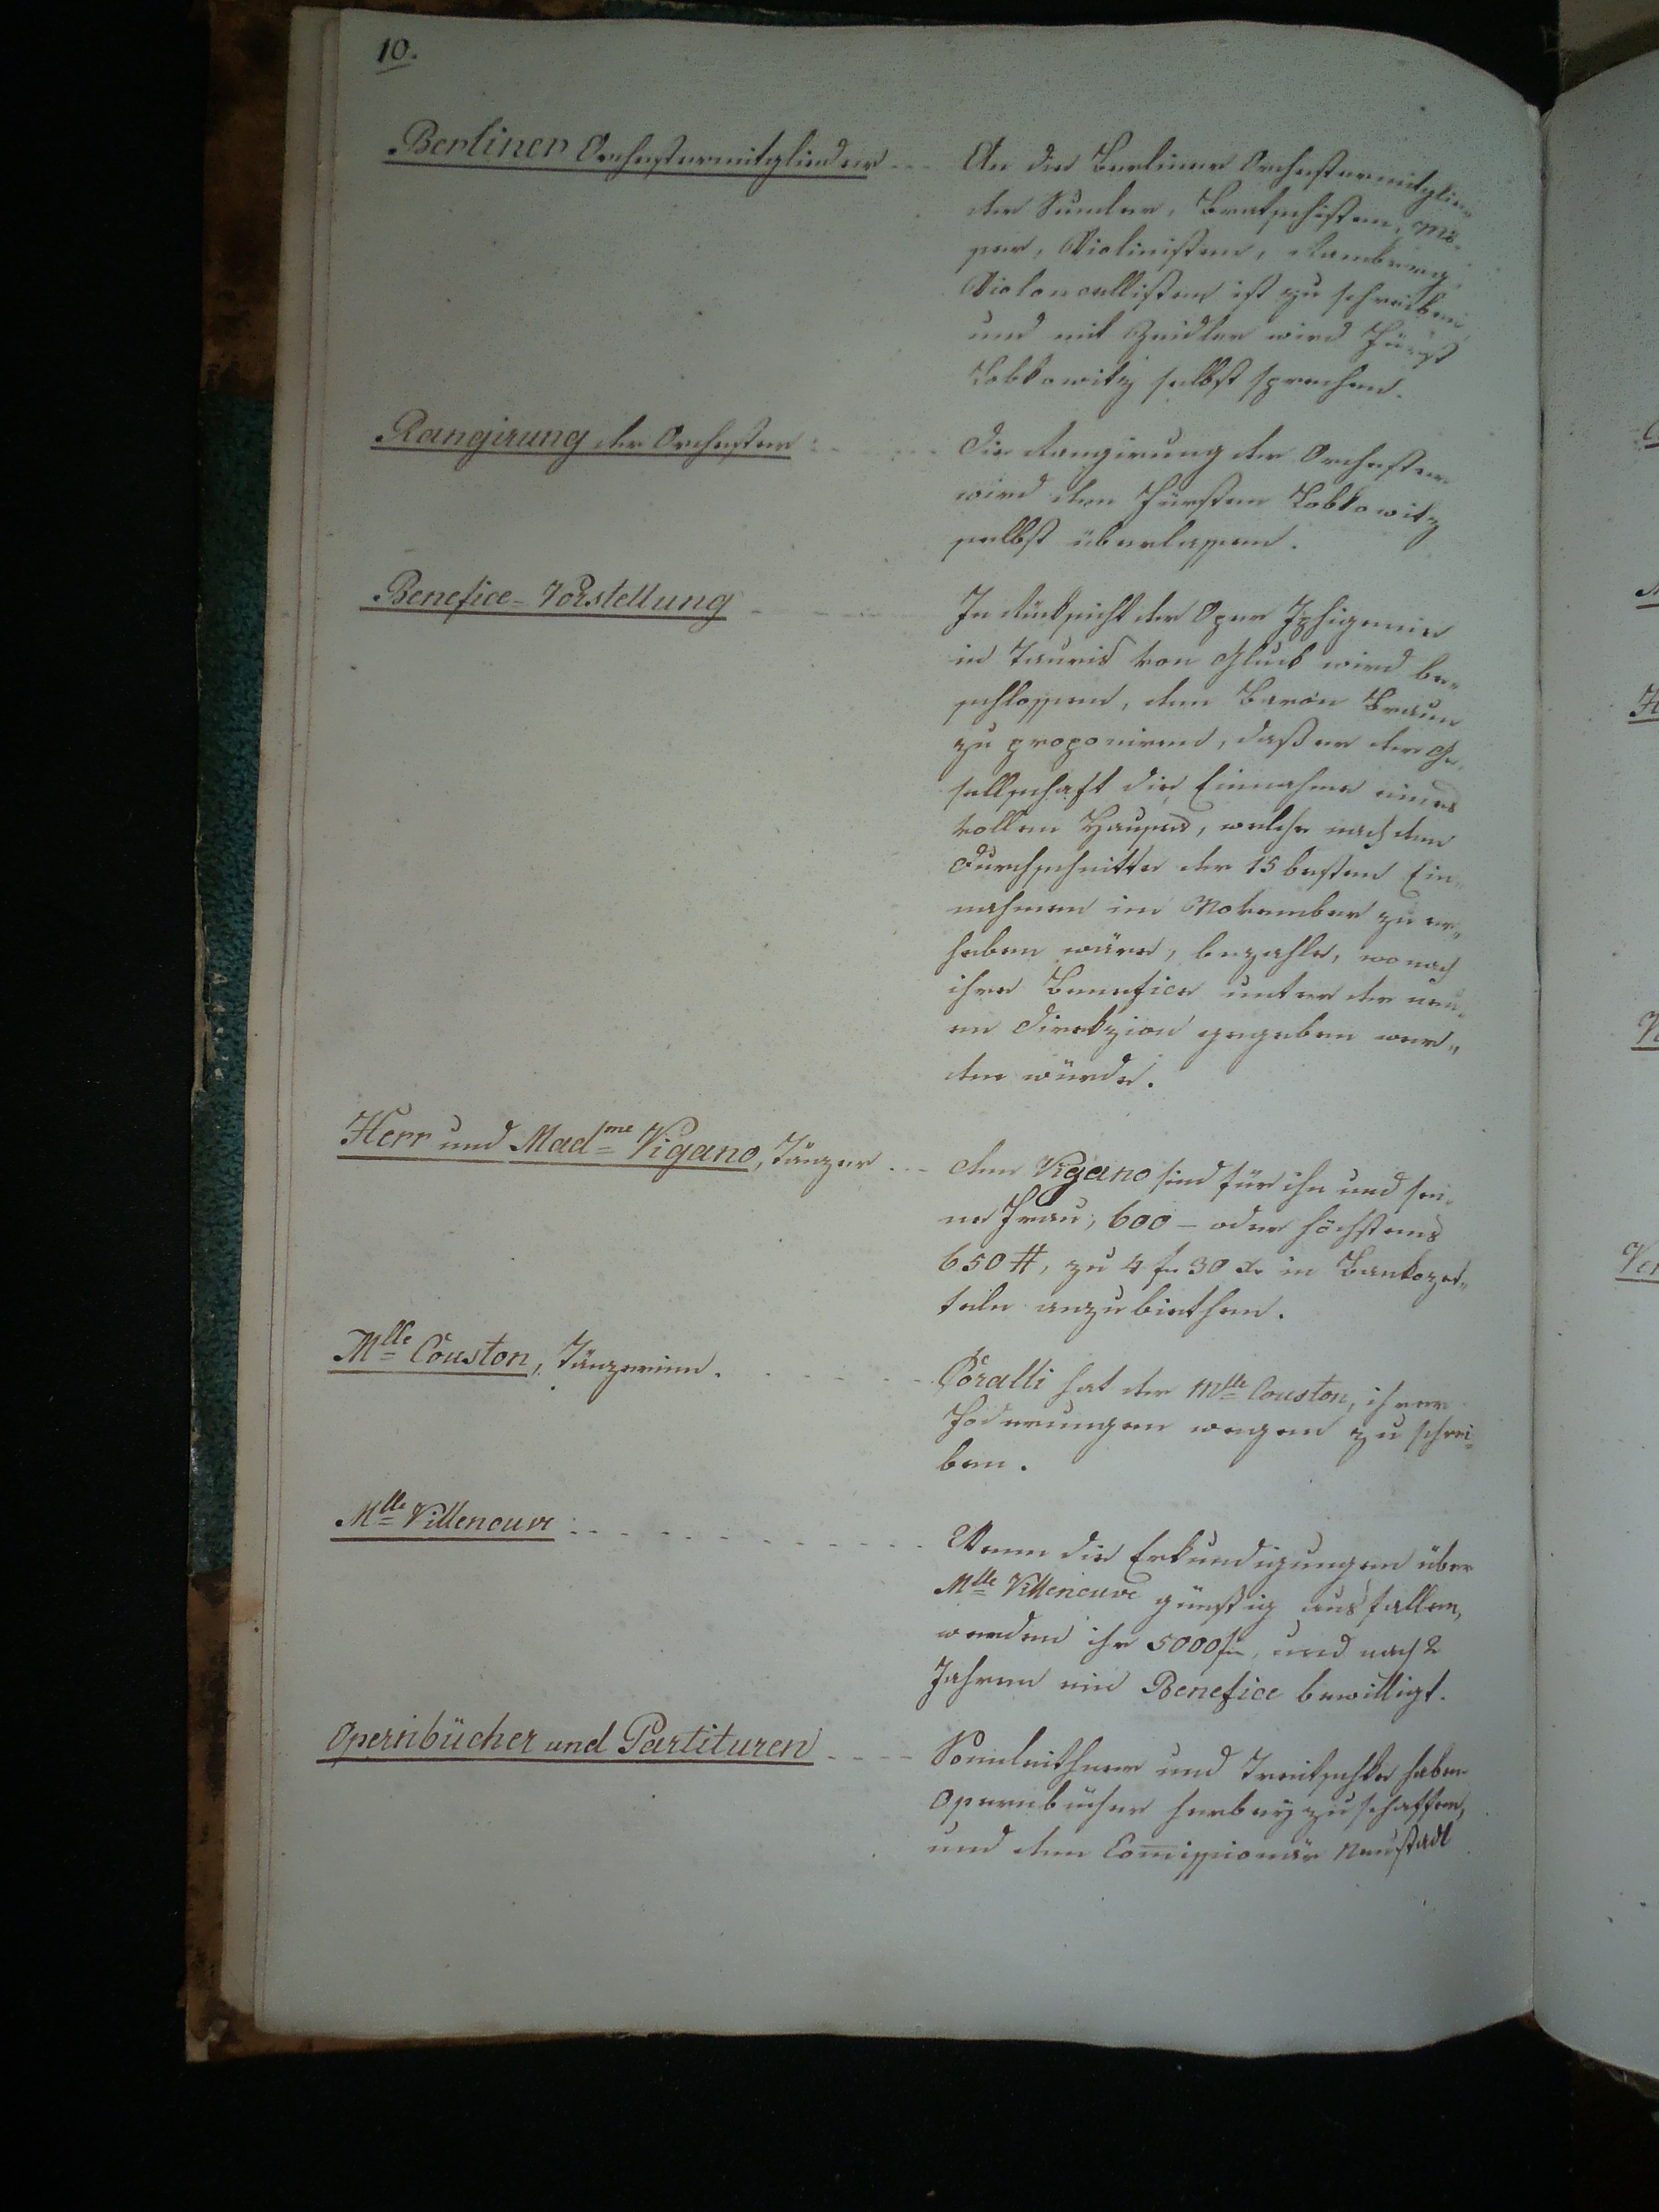10.
Berliner Orchestermitglieder … An die Berliner Orchestermitglieder
der Sunder, Bratschisten, Mö¬
ser, Violinisten, Ramberg,
Violoncellisten ist zu schreiben
und mit Zeidler wird Fürst
Lobkowitz selbst sprechen.
Rangirung der Orchester: ….. Die Rangirung der Orchester
wird dem Fürsten Lobkowitz
selbst überlassen.
Benefice-Vorstellung …. In Rücksicht der Oper Iphigenie
in Tauris von Gluck wird be¬
schlossen, dem Baron Braun
zu proponiren, daß er der Ge¬
sellschaft die Einnahme eines
vollen Hauses, welche nach dem
Durchschnitte der 15 besten Ein¬
nahmen im November zu er¬
heben wäre, bezahle, wo nach
ihre Benefice unter der neu¬
en Direkzion gegeben wer¬
den würde.
Herr und Madm͇e Vigano, Tänzer … Dem Vigano sind für ihn und sei¬
ne Frau, 600 – oder höchstens
650 #, zu 4 fn 30 xr in Bankozet¬
teln anzubiethen.
Mll͇e Couston, Tänzerinn ……. Coralli hat der Mll͇e Couston, ihrer
Foderungen wegen zu schrei¬
ben.
Mll͇e Villeneuve ……….. Wenn die Erkundigungen übergeben
Mll͇e Villeneuve günstig ausfallen,
werden ihr 5000fn, und nach 2
Jahren ein Benefice bewilligt.
Opernbücher und Partituren …. Sonnleithner und Treitschke haben
Opernbücher herbeyzuschaffen,
und dem Comissionär Neustadt